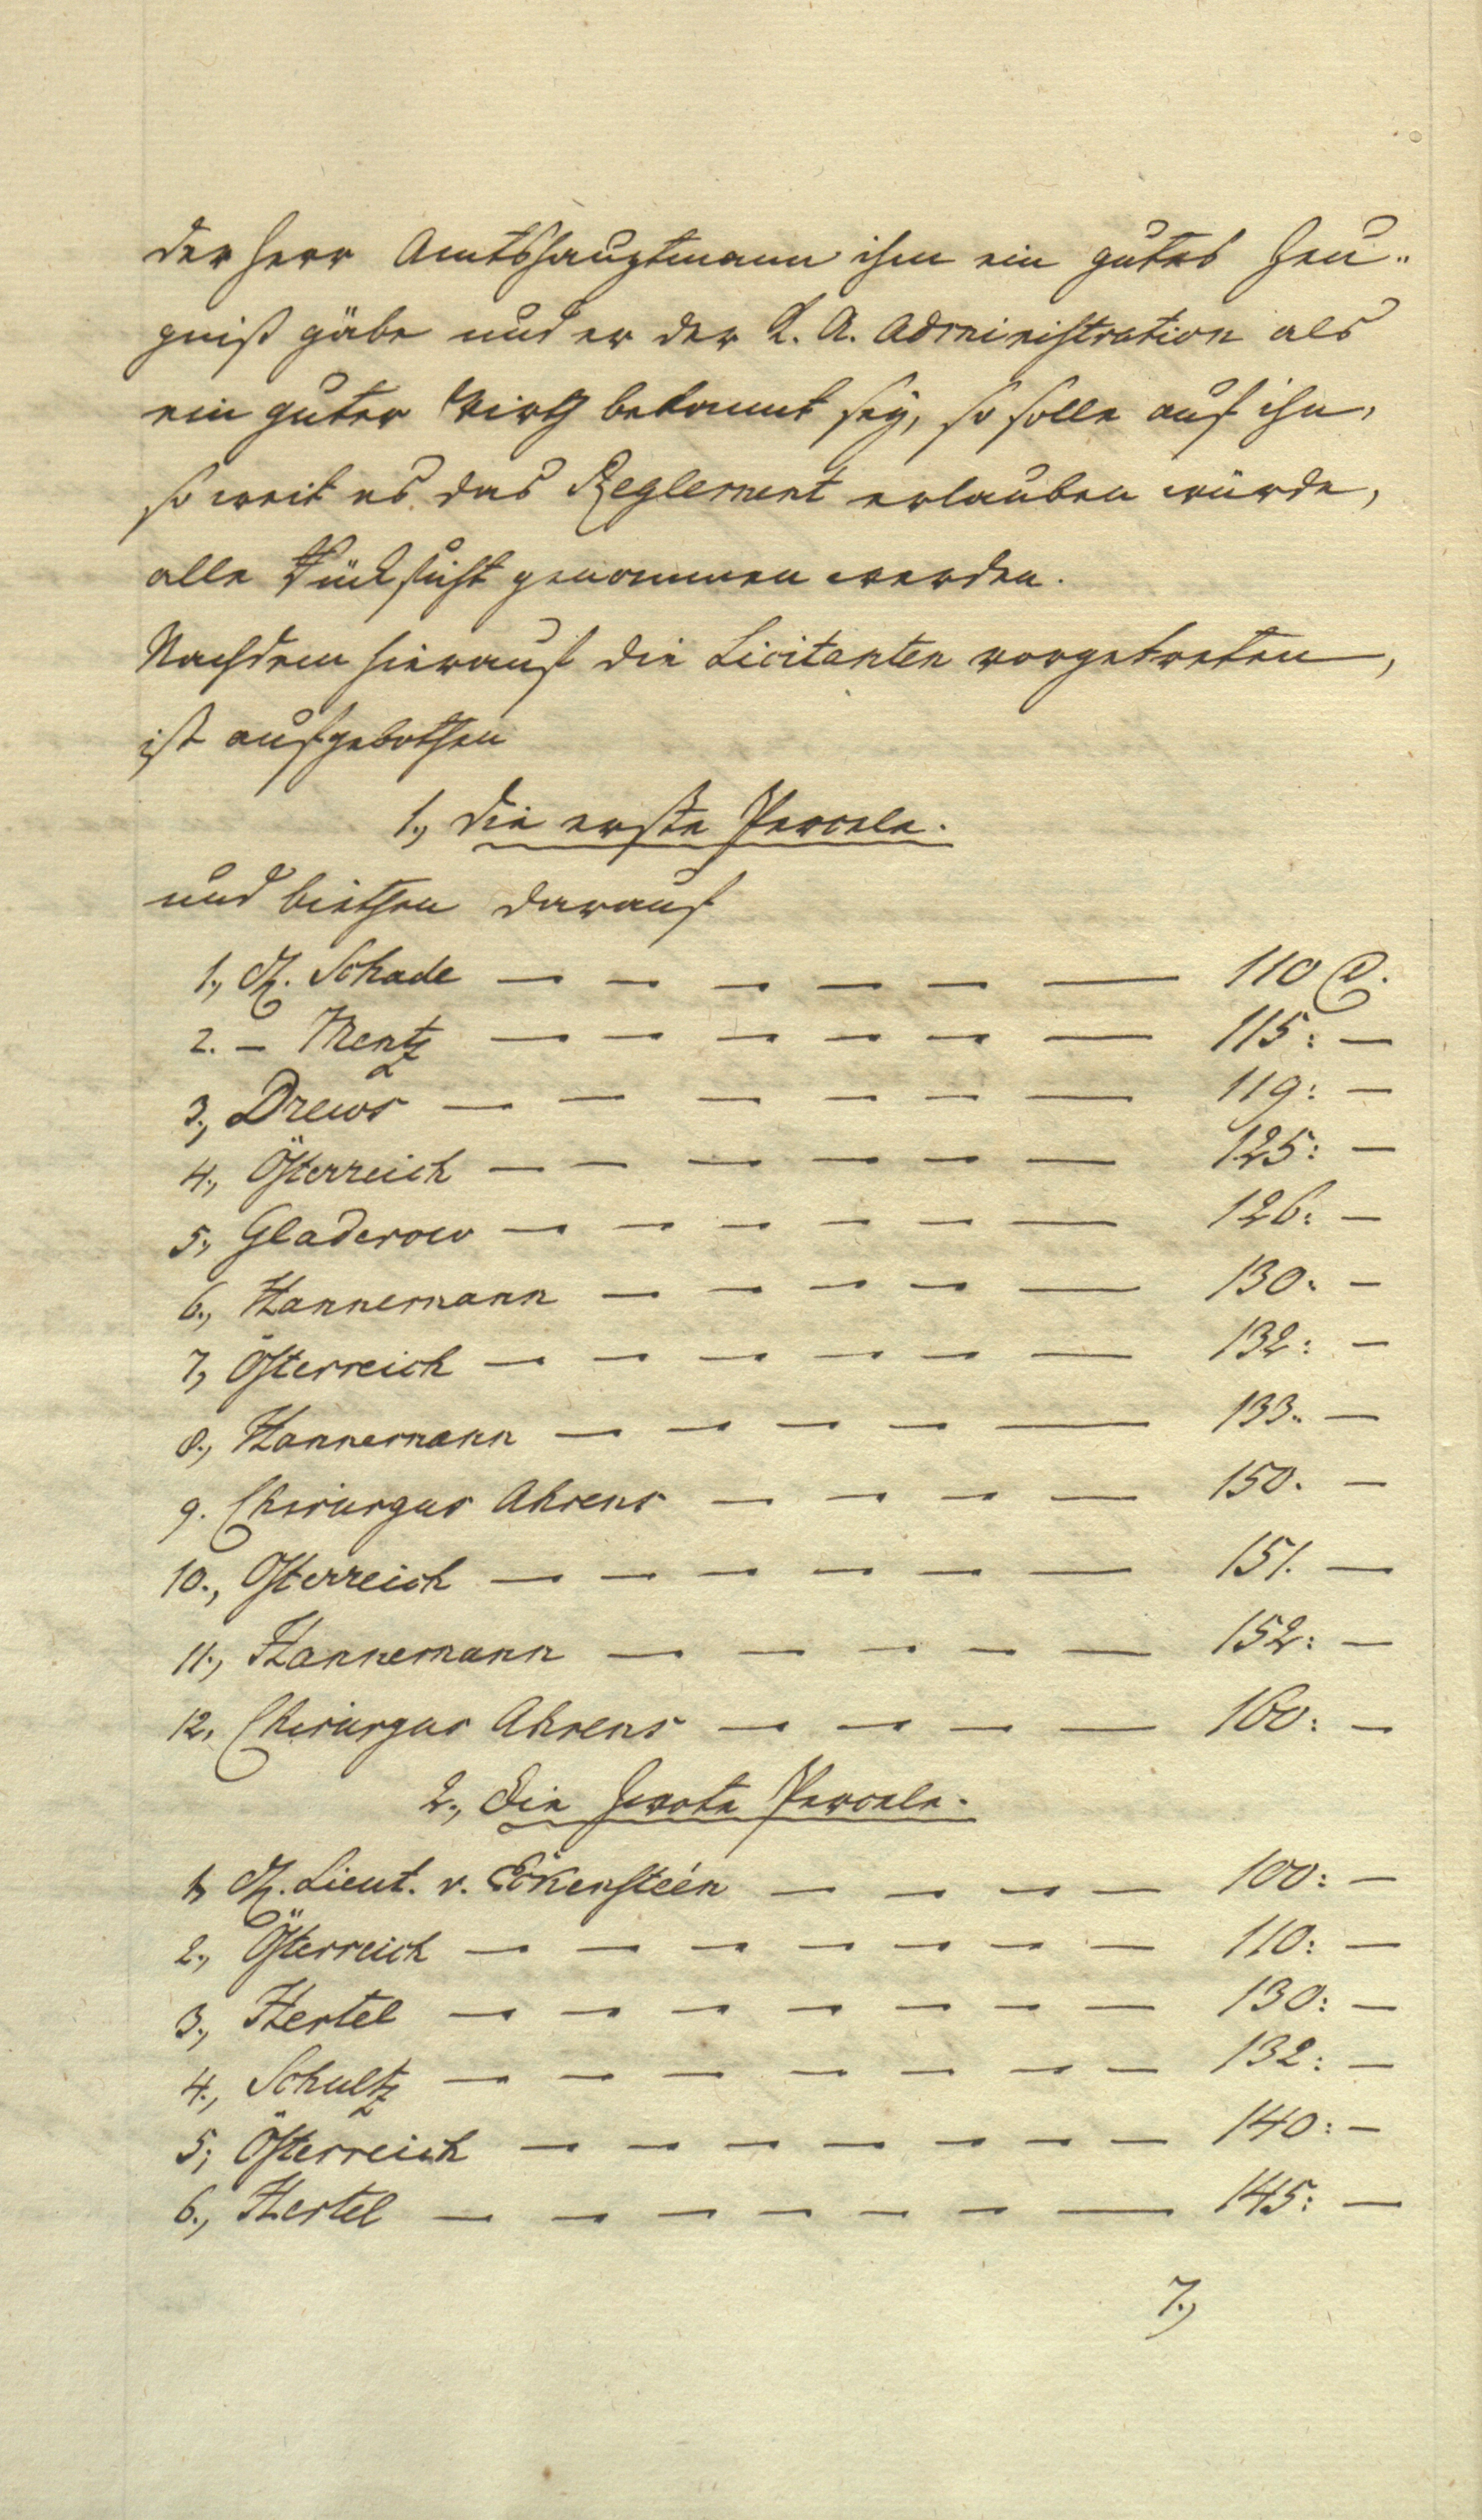der Herr Amtshauptmann ihm ein gutes Zeu¬
gniß gäbe und er der K. A. Administration als
ein guter Wirth bekannt seÿ, so solle auf ihn
so weit es das Reglement erlauben würde,
alle Rücksicht genommen werden.
Nachdem hierauf die Licitanten vorgetreten,
ist aufgebothen
1., die erste Percele.
und biethen darauf
1., dh. Schade 110 l.
2. Mentz 115:
3, Drews 119:
4., Österreich 125:
5., Gladerow 126:
6., Hannemann 130:
7., Österreich 132:
8., Hannemann 133:
9. Chirurgus Ahrens 150:
10. Osterreich 151:
11., Hannemann 152:
12, Chirurgus Ahrens 160:
2., Die zwote Percele.
1, dh. Lieut. v. Eckensteén 100:
2., Österreich 110:
3., Hertel 130:
4., Schultz 132:
5, Österreich 140:
6., Hertel 145:
7.,